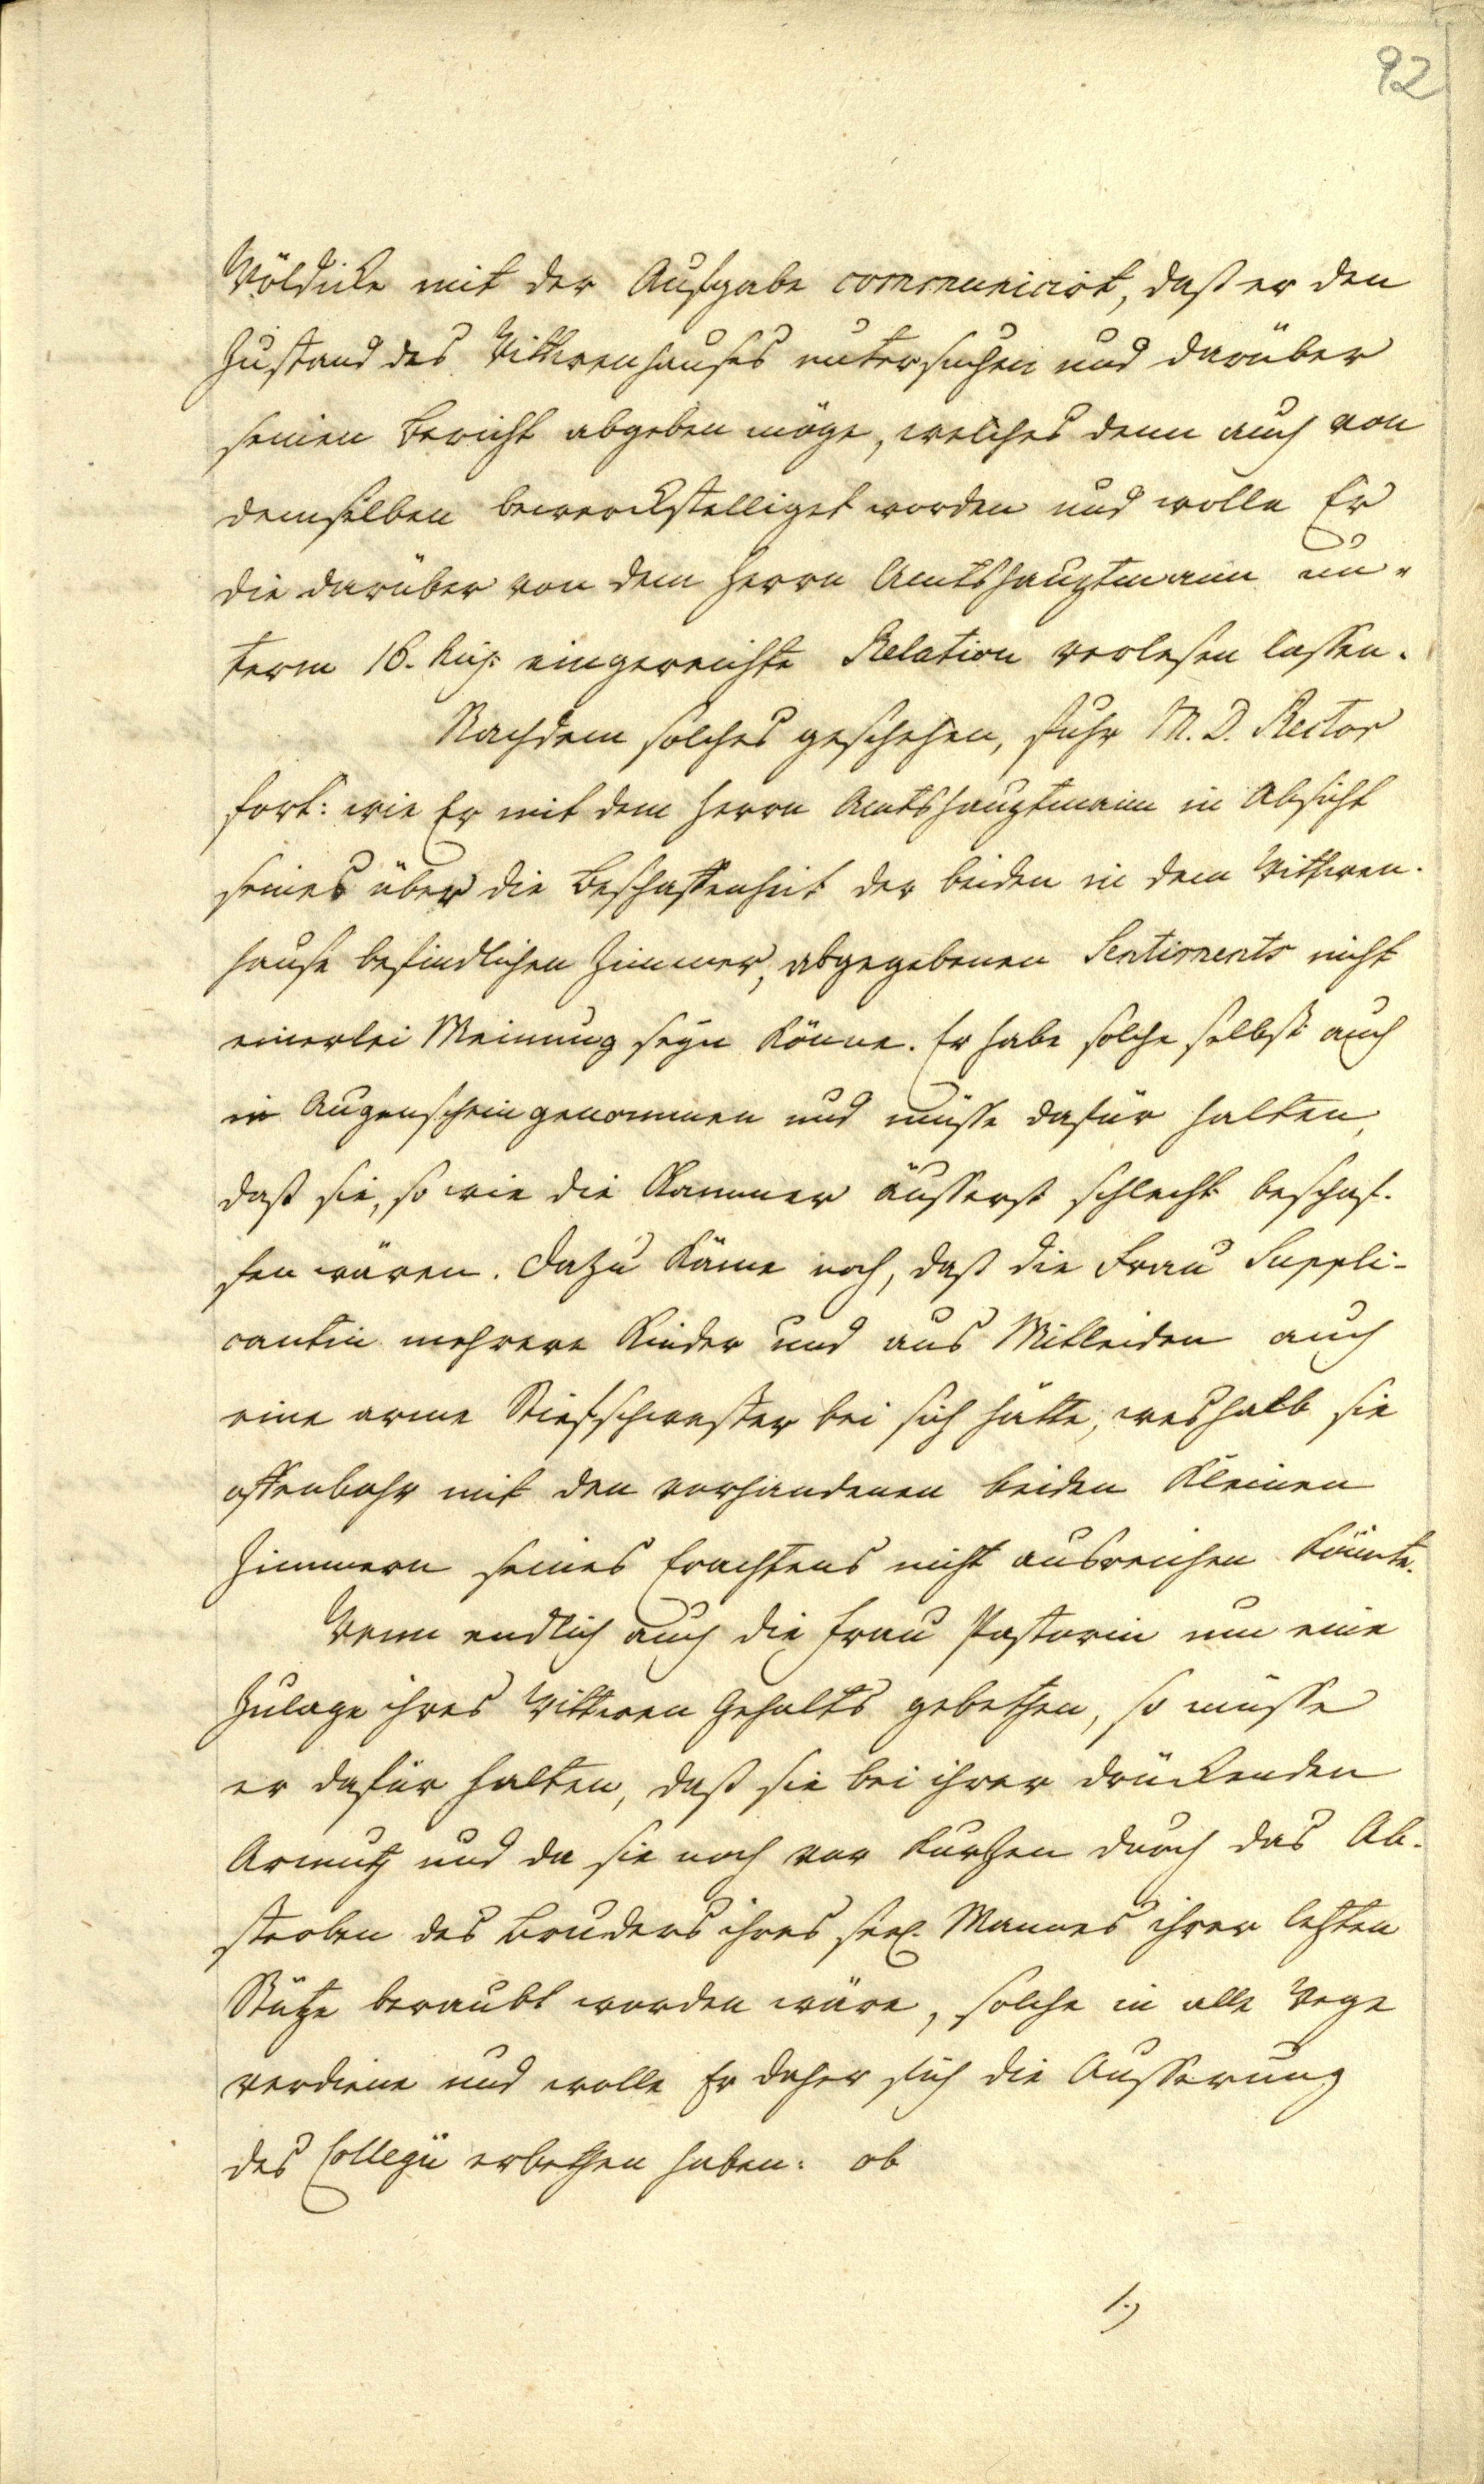Wöldicke mit der Aufgabe communicirt, daß er den
Zustand des Wittwenhauss untersuchen und darüber
seinen Bericht abgeben möge, welches denn auch von
demselben bewerckstelliget worden und wolle Er
die darüber von dem Herrn Amtshauptmann un¬
term 16. huj. eingereichte Relation verlesen lassen.
Nachdem solches geschehen, fuhr M. D Rector
fort: wie Er mit dem Herrn Amtshauptmann in Absicht
seines über die Beschaffenheit der beiden in dem Wittwen¬
hause befindlichen Zimmer, abgegebenen Sentiments nicht
einerlei Meinung seÿn könne. Er habe solche selbst auch
in Augenschein genommen und müsse dafür halten,
daß sie, so wie die Kammer äusserst schlecht beschaf¬
fen wären. Dazu käme noch, daß die Frau Suppli¬
cantin mehrere Kinder und aus Mitleiden auch
eine arme Stiefschwester bei sich hätte, weshalb sie
offenbahr mit den vorhandenen beiden kleinen
Zimmern seines Erachtens nicht ausreichen könnte.
Wenn endlich auch die Frau Pastorin um eine
Zulage ihres Wittwren Gehalts gebethen, so müsse
er dafür halten, daß sie bei ihrer drückenden
Armuth und da sie noch vor kurzen durch das Ab¬
sterben des Bruders ihres seel. Manes ihrer letzten
Stütze beraubt worden wäre, solche in alle Wege
verdiene und wolle Er daher sich die Äusserung
des Collegii erbethen haben: ob